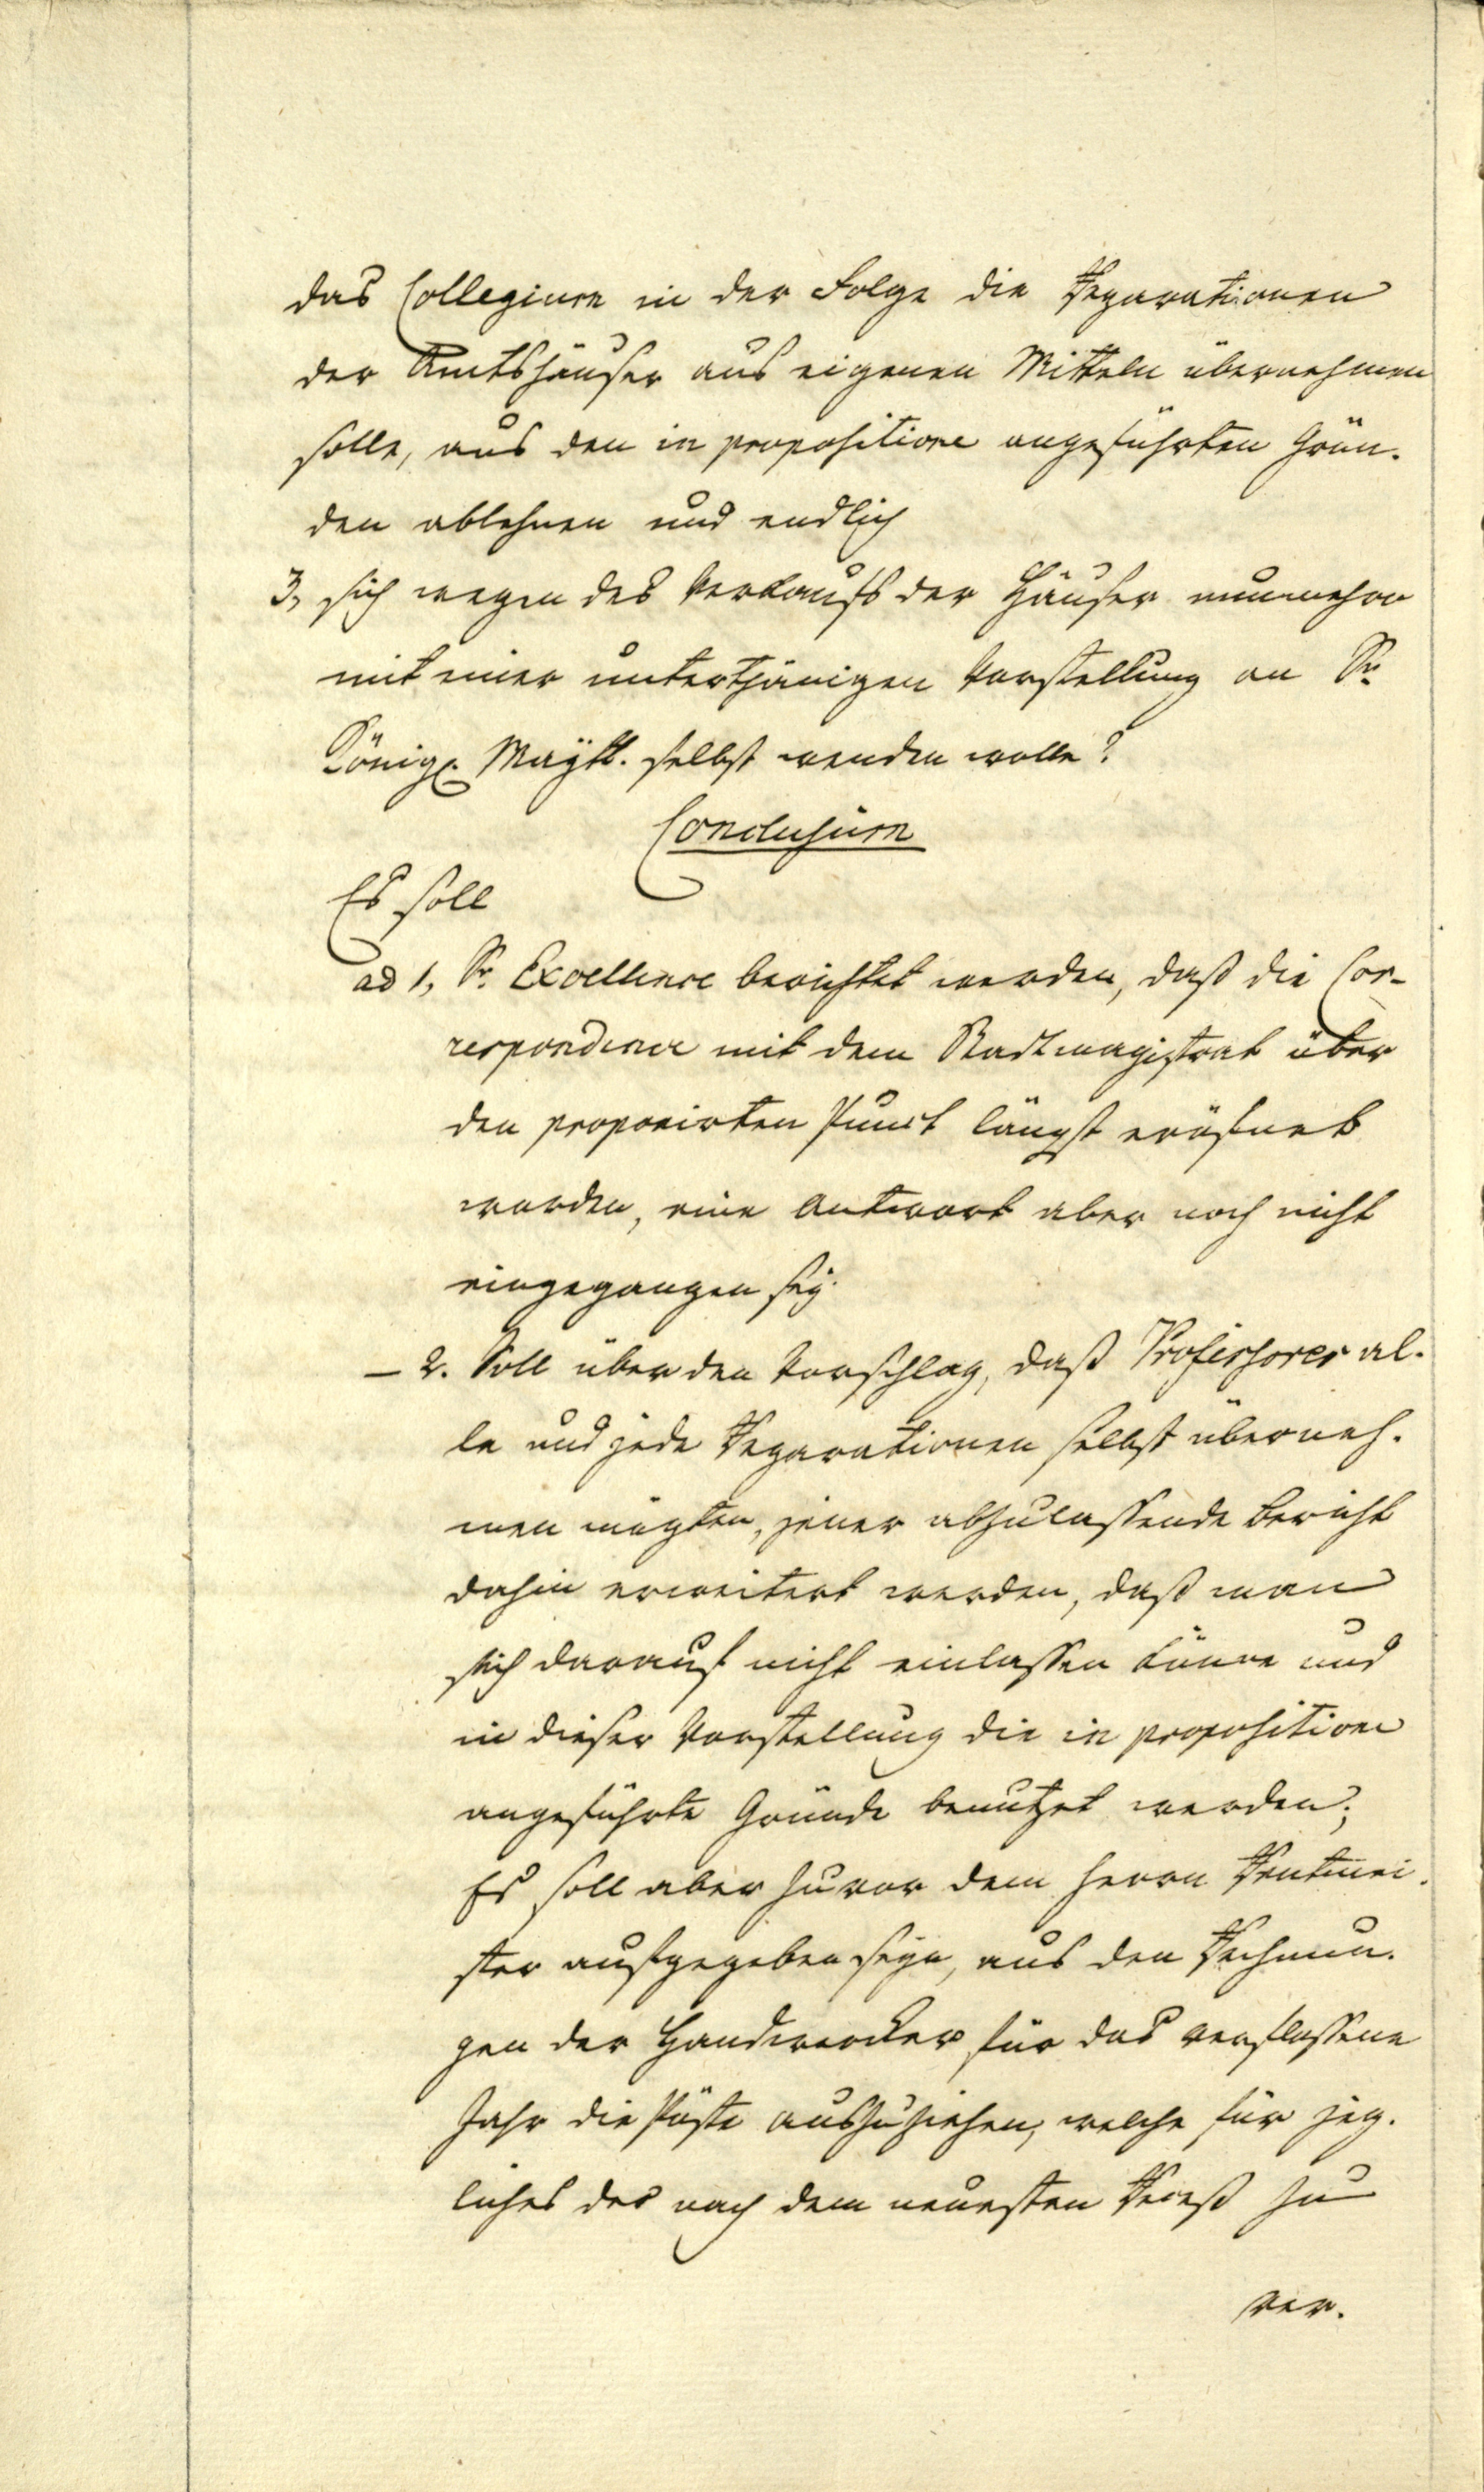das Collegium in der Folge die Reparationen
der Amtshäuser aus eigenen Mitteln übernehmen
solle, aus den in propositione angeführten Grün¬
den ablehnen und endlich
3., sich wegen des Verkaufs der Häuser nunmehro
mit einer unterthänigen Vorstellung an Sr.
Königl. Maÿtt. selbst wenden wolle?
Conclusum
Es soll
ad 1, Sr Excellence berichtet werden, daß die Cor¬
respondence mit dem Stadtmagistrat über
den proponirten Punct längst eröfnet
worden, eine Antwort aber noch nicht
eingegangen seÿ.
2. Soll über den Vorschlag, daß Professores al¬
le und jede Reparationen selbst überneh¬
nen mögten, jener abzulassende Bericht
dahin erweitert werden, daß man
sich darauf nicht einlassen könne und
im dieser Vorstellung die in propositione
angeführte Gründe benutzet werden;
Es soll aber zuvor dem Herrn Rentmei¬
sten aufgegeben seÿn, aus den Rechnun¬
gen der Handwercker für das verflossene
Jahr die Pöste auszuziehen, welche für jeg¬
liches der nach dem neuesten Receß zu
ver.